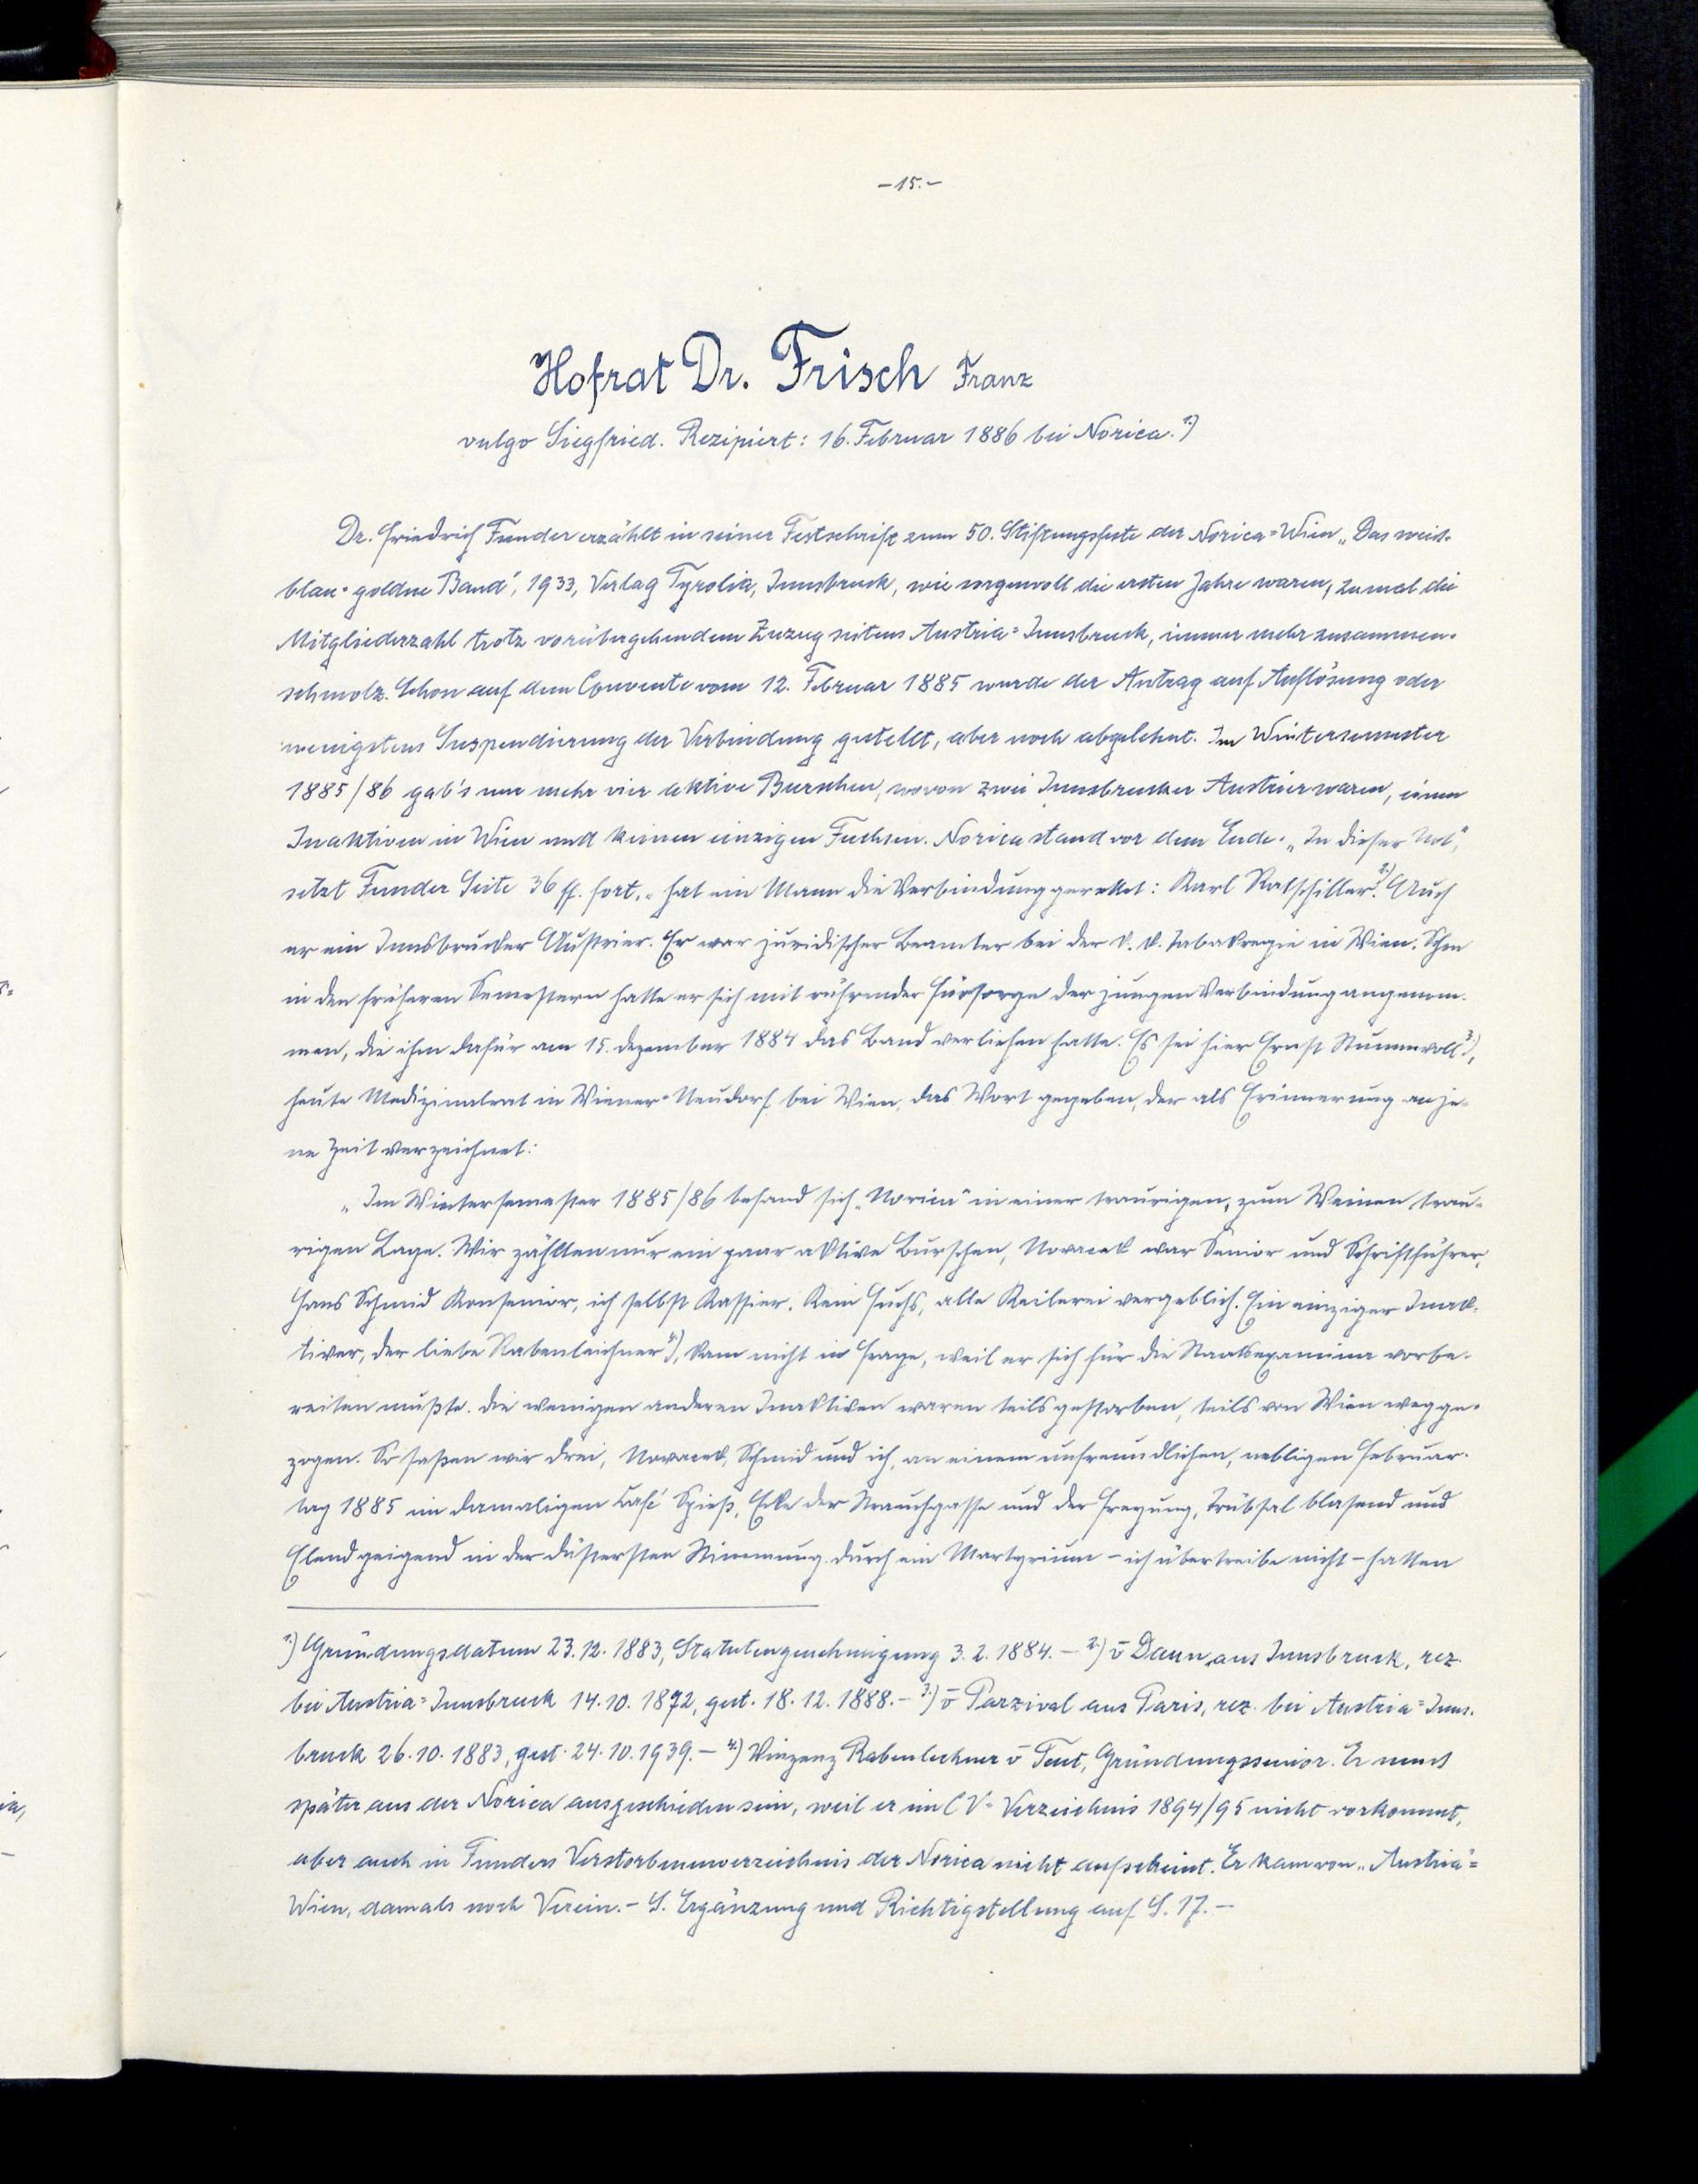15
Hofrat Dr. Frisch Franz
v/o Siegfried. Rezipiert: 16. Februar 1886 bei Norica 1)
Dr. Friedrich Funder erzählt in seiner Festschrift zum 50. Stiftungsfeste der Norica - Wien „Das weiß-
blau - goldene Band“, 1933, Verlag Tyrolia, Innsbruck, wie sorgenvoll die ersten Jahre waren, zumal die
Mitgliederzahl trotz vorübergehendem Zuzug seitens Austria Innsbruck, immer mehr zusammen
schmolz. Schon auf dem Convent vom 12. Februar 1885 wurde der Antrag auf Auflösung oder
wenigstens Suspendierung der Verbindung gestellt aber noch abgelehnt. Im Wintersemester
1885/86 gab es nur mehr vier aktive Burschen, wovon zwei Innsbrucker Austria waren, einen
Inaktiven in Wien und keinen einzigen Fuchsen. Norica stand vor dem Ende. „In dieser Not“,
setzt Funder Seite 36 ff. fort, „hat ein Mann die Verbindung gerettet: Karl Ratschiller 2). Auch
er ein Innsbrucker Austrier. Er war juridischer Beamter bei der Tabakregie in Wien. Schon
in den früheren Semestern hatte er sich mit rührender Fürsorge der jungen Verbindung angenom-
men, die ihn dafür am 15. Dezember 1884 das Band verliehen hatte. Es sei hier Ernst Stummvoll 3)
heute Medizalrat in Wiener Neudorf bei Wien das Wort gegeben, der als Erinnerung an je-
ne Zeit verzeichnet:
Im Wintersemester 1885/86 befand sich Norica, in einer traurigen, zum Weinen trau-
rigen Lage. Wir zählten nur ein paar aktive Burschen, Novacek war Senior und Schriftführer,
Hans Schmid Konsenior, ich selbst Kassier. Kein Fuchs, alle Reibereien vergeblich. Ein einziger Inak-
tiver, der liebe Rabenleichner 4). kam nicht in Frage, weil es sich für die Staatsexamina vorbe-
reiten musste. Die wenigen anderen Inaktiven waren teils gestorben, teils von Wien wegge-
zogen, so saßen wir drei, Novacek, Schmid und ich, an einem unfreundlichen, nebligen Februar-
tag 1885 im damaligen Café Spieß, Ecke der Strauchgasse und der Freyung, Trübsal blasend und
Elend geigend in der düstersten Stimmung durch ein Martyrium - ich übertreibe nicht – hatten
1) Gründungsdatum 23.12.1883, Statutengenehmigung 3.2. 1884.- 2) v/o Daun aus Innsbruck, rez.
bei Austria Innsbruck 14.10.1872, gest. 18. 12. 1888.- 3) v/o Parzival aus Paris, rez. bei Austria Inns-
bruck 26.10.1883, gestorben 24.10.1939.- Vinzenz Rabenlechner v/o Tent, Gründungssenior. Er muss
später aus der Norica ausgeschieden sein, weil er im CV-Verzeichnis 1894/95 nicht vorkommt,
aber auch im Fundus Verstorbenenverzeichnis der Norica nicht aufscheint. Er kam von Austria –
Wien, damals noch Verein – S. siehe Ergänzung und Richtigstellung auf S. 17.-